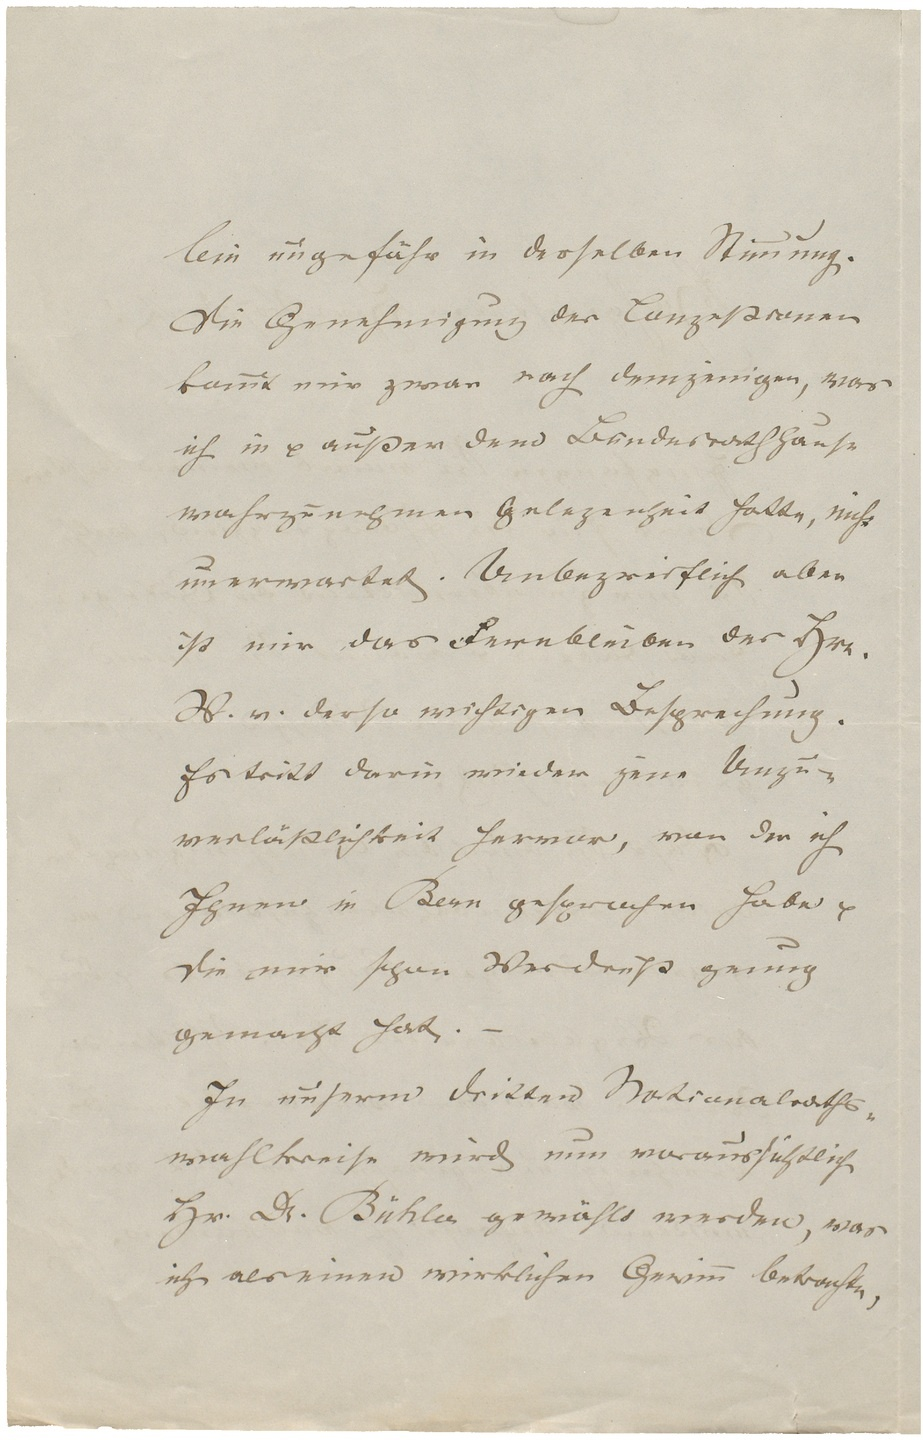bin ungefähr in derselben Stimmung.
Die Genehmigung der Conzessionen
kommt mir zwar nach demjenigen, was
ich in & außer dem Bundesrathhause
wahrzunehmen Gelegenheit hatte, nicht
unerwartet. Unbegreiflich aber
ist mir das Fernbleiben des Hrn.
W. v. der so wichtigen Besprechung.
Es tritt darin wieder jene Unzu-
verläßlichkeit hervor, von der ich
Ihnen in Bern gesprochen habe &
die mir schon Verdruß genug
gemacht haben. –
In unserem dritten Nationalraths-
wahlkreise wird nun voraussichtlich
Hr. Dr. Bühler gewählt werden, was
ich als einen wirklichen Gewinn betrachte,